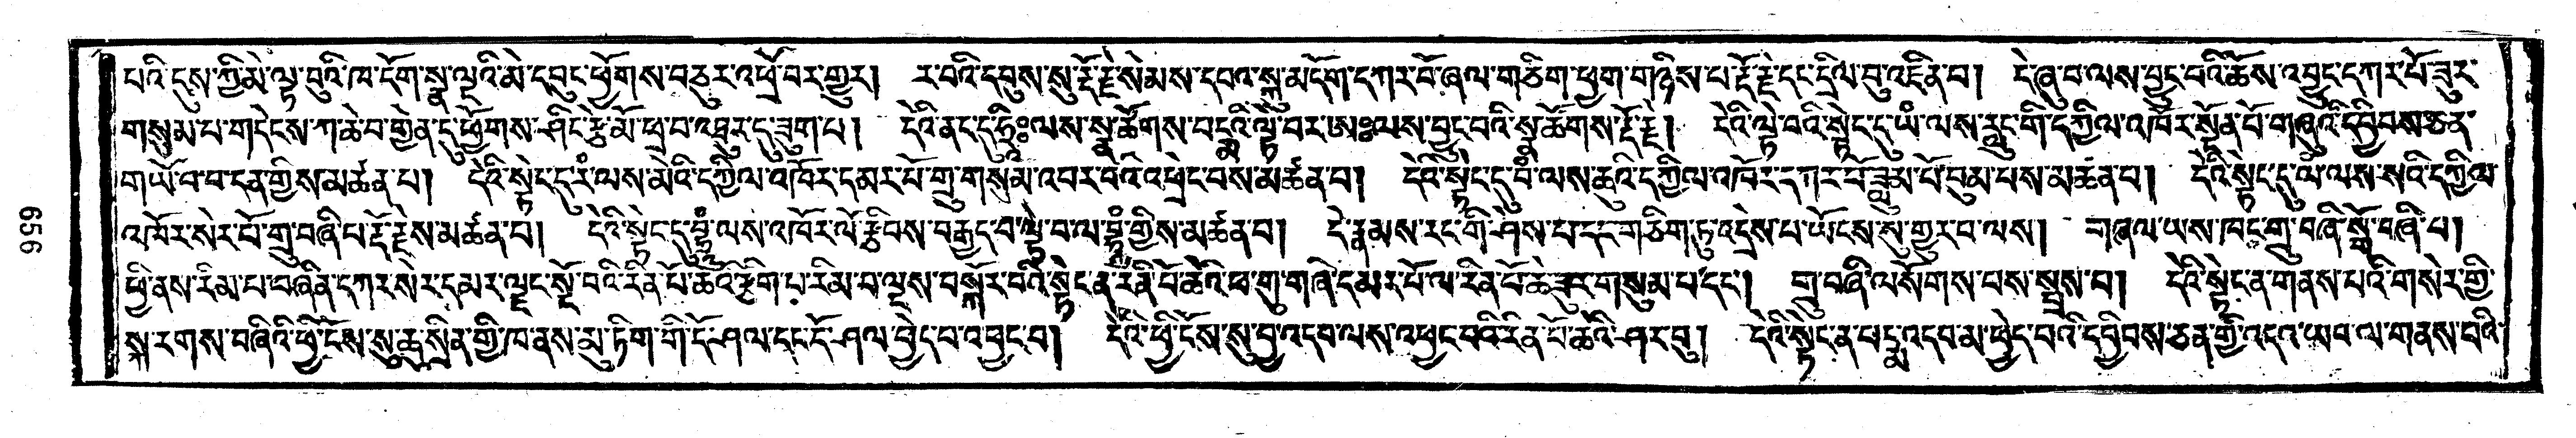པའི་དུས་ཀྱི་མེ་ལྟ་བུའི་ཁ་དོག་སྣ་ལྔའི་མེ་དབུང་ཕྱོགས་བཅུར་འཕྲོ་བར་གྱུར། ར་བའི་དབུས་སུ་རྡོ་རྗེ་སེམས་དཔའ་སྐུ་མདོག་དཀར་བོ་ཞལ་གཅིག་ཕྱག་གཉིས་པ་རྡོ་རྗེ་དང་དྲིལ་བུ་འཛིན་བ། དེ་ཞུ་བ་ལས་བྱུང་བའི་ཆོས་འབྱུང་དཀར་པོ་ཟུར་
གསུམ་པ་གདེངས་ཀ་ཆེ་བ་གྱེན་དུ་ཕྱོགས་ཤིང་རྩེ་མོ་ཕྲ་བ་འཐུར་དུ་ཟུག་པ། དེའི་ནང་དུ་ཧྲཱིཿལས་སྣ་ཚོགས་པདམའི་ལྟེ་བར་ཨཿལས་བྱུང་བའི་སྣ་ཚོགས་རྡོ་རྗེ། དེའི་ལྟེ་བའི་སྟེང་དུ་ཡཾ་ལས་རླུང་གི་དཀྱིལ་འཁོར་སྔོན་པོ་གཞུའི་དབྱིབས་ཅན་
གཡོ་བ་བ་དན་གྱིས་མཚན་པ། དེའི་སྟེང་དུ་རཾ་ལས་མེའི་དཀྱིལ་འཁོར་དམར་པོ་གྲུ་གསུམ་འབར་བའི་འཕྲེང་བས་མཚན་པ། དེའི་སྟེང་དུ་བཾ་ལས་ཆུའི་དཀྱིལ་འཁོར་དཀར་པོ་ཟླུམ་པོ་བུམ་པས་མཚན་པ། དེའི་སྟེང་དུ་ལཾ་ལས་སའི་དཀྱིལ་
འཁོར་སེར་པོ་གྲུ་བཞི་པ་རྡོ་རྗེས་མཚན་པ། དེའི་སྟེང་དུ་བྷྲཱུཾ་ལས་འཁོར་ལོ་རྩིབས་བརྒྱད་བ་ལྟེ་བ་ལ་བྷཱུཾ་གྱིས་མཚན་བ། དེ་རྣམས་རང་གི་ཤེས་པ་དང་གཅིག་ཏུ་འདྲེས་པ་ཡོངས་སུ་གྱུར་པ་ལས། གཞལ་ཡས་ཁང་གྲུ་བཞི་སྒོ་བཞི་པ།
ཕྱི་ནས་རིམ་པ་བཞིན་དཀར་སེར་དམར་ལྗང་སྔོ་བའི་རིན་པོ་ཆའི་རྩིག་པ་རིམ་བ་ལྔས་བསྐོར་བའི་སྟེང་ན་རིན་པོ་ཆེའི་ཕ་གུ་གཞི་དམར་པོ་ལ་རིན་པོ་ཆེ་ཟུར་གསུམ་པ་དང་། གྲུ་བཞི་ལ་སོགས་པས་སྤྲས་བ། དེའི་སྟེང་ན་གནས་པའི་གསེར་གྱི་
སྐ་རགས་བཞིའི་ཕྱི་ངོས་སུ་ཆུ་སྲིན་གྱི་ཁ་ནས་མུ་ཏིག་གི་དོ་ཤལ་དང་དོ་ཤལ་བྱེད་བ་འཕྱང་བ། དེའི་ཕྱི་ངོས་སུ་བྱ་འདབ་ལས་འཕྱང་བའི་རིན་པོ་ཆེའི་ཤར་བུ། དེའི་སྟེང་ན་པདམ་འདབ་མ་ཕྱེད་བའི་དབྱིབས་ཅན་གྱི་འདབ་ཡབ་ལ་གནས་པའི་